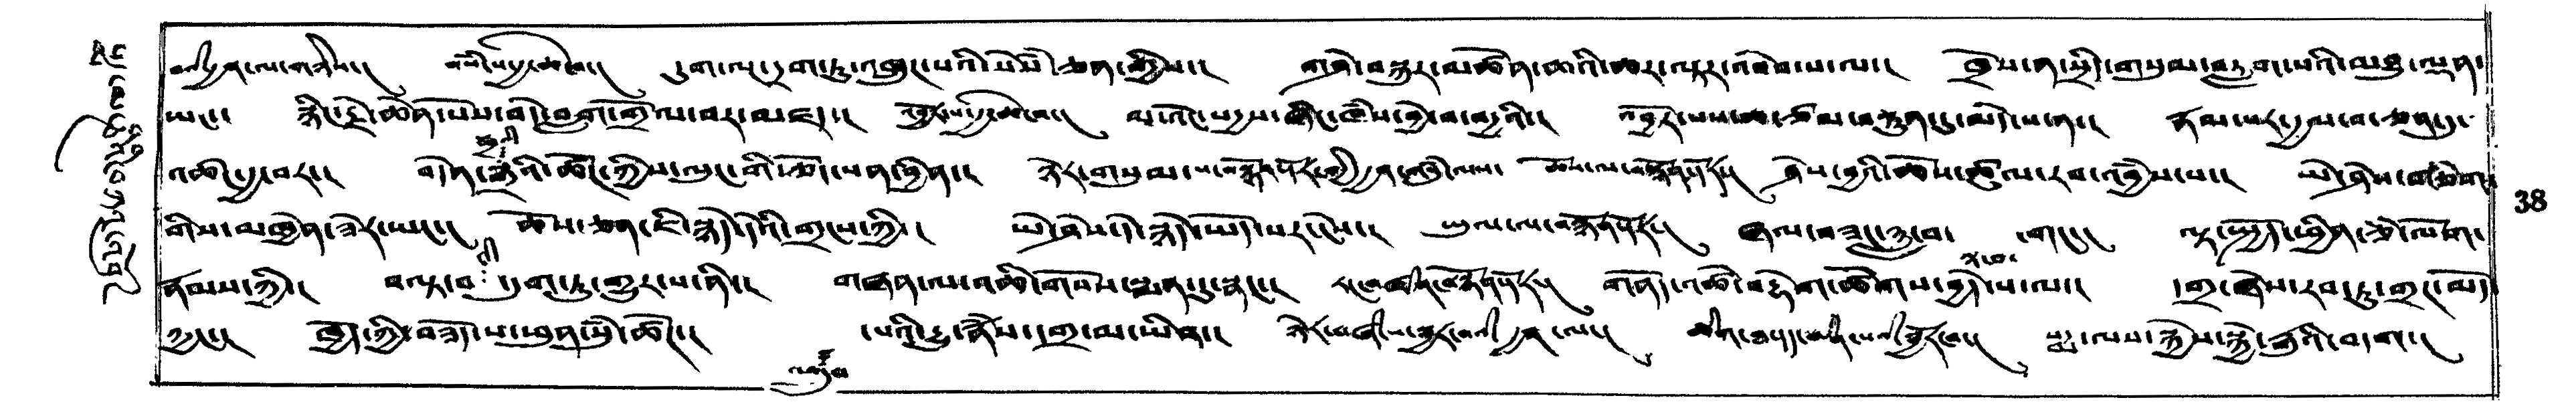དུག་ལྔ་དྲག་ཏུ་འཁྲུགས་པའི་སེམས་ཅན་གྱིས། །གཤེ་སྐུར་མཚོན་ཆའི་ཆར་ལྟར་འབེབས་པ་ལ། །ཁྲོས་ན་སྲིད་གསུམ་བརླག་པའི་མཐུ་ལྡན་
ཡང་། །སྙིང་རྗེ་ཆེན་པོས་བདེ་བླག་གྲོལ་བར་མཛད། ། འབྱོར་པ་རྒྱ་ཆེ་བ། མ་འོངས་སངས་རྒྱས་ཞིང་ཁམས་བྱེ་བ་བརྒྱའི། །འབྱོར་པས་ཚ་ཙམ་བསྒྲུན་དུ་མེད་པས་ན། །རྣམ་པར་རྒྱལ་བ་ཅན་དུ་
འཚང་རྒྱ་བར། །བདེན་སྨྲའི་ཚོགས་ཀྱིས་ལུང་གི་ཅོད་པན་བྱིན། ། ཉེར་གསུམ་པ་བསྙོན་དོར་གྱི་རྒྱན་ལ་གསུམ་ལས། ཆོས་ལ་བསྙོན་དོར། ཤེས་བྱའི་ཆོས་ཚུལ་རབ་འབྱམས་པ། །ཡེ་ཤེས་གཅིག་
གིས་མཁྱེན་ཟེར་ཡང་། །ཆོས་ཅན་ཇི་སྙེད་དེའི་གྲངས་ཀྱི། །ཡེ་ཤེས་དེ་སྙེད་ཡོད་པར་ངེས། ། ཡུལ་ལ་བསྙོན་དོར། ཞལ་བཟང་ཟླ་བ་ལྟ་བ་གང་། །ལྟ་སྤྱོད་ཕྱིན་ཅི་ལོག་
རྣམས་ཀྱི། །བལྟ་བའི་དུག་ཏུ་གྱུར་པ་ནི། །གཞན་ལ་འཆི་གསོས་སྨན་དུ་སྣང་། ། རང་བཞིན་བསྙོན་དོར། གནོད་འཚེ་རྡེག་འཚོག་བྱེད་པ་ལ། །དགྲ་ཞེས་རབ་ཏུ་གྲགས་མོད་
ཀྱང་། །ཁྱོད་ཀྱི་བཟོད་པ་ཕུན་སུམ་ཚོགས། །འགྲུབ་པའི་རྒྱུ་རྣམས་དགྲ་མ་ཡིན། །ཉེར་བཞི་པ་སྦྱར་བའི་རྒྱན་ལ། ཚིག་ཐ་དད་མིན་པའི་སྦྱོར་བ། པདྨ་ལས་སྐྱེས་སྐྱེ་རྒུའི་བདག །